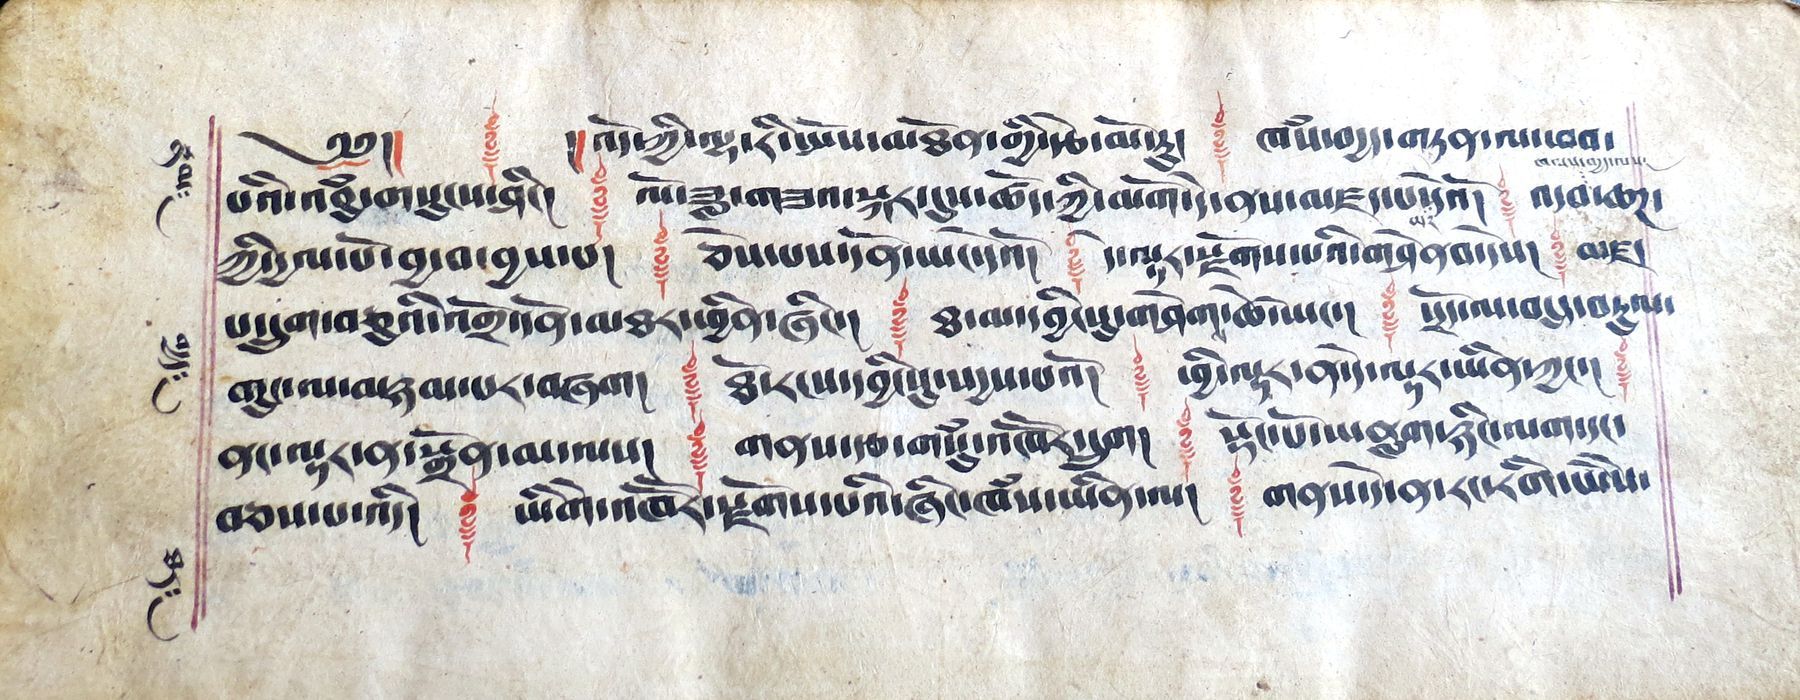འོད་ཀྱི་ལྷ་རི་སྤོ་མཐོན་གྱི་རྩེ་མོ་རུ། ཁམས་བརྒྱད་གཏན་ལ་ཕབ་
པའི་འབུམ་གསུངས་ཤིང་། ལོ་ཟླ་གཟའ་སྐར་དུས་ཚོད་ཀྱི་མགོ་དེ་ནས་མཛད་པ་དེའོ། ། འདབ་ཆགས་
ཀྱི་རྒྱལ་པོ་བྱ་བ་བྱས། ཞེས་པའི་དོན་ཡང་དེའོ། ། དེ་ལྟར་རྫོགས་པའི་གཤེན་རབ་དེས། ། མཛད་
པ་དྲུག་ཅུས་འགྲོ་དོན་མཐར་ཕྱིན་ཅིང་། ། ཐ་མ་དབྱིངས་སུ་གཤེགས་ཚེ་ཡང་། ། སྲོད་ལ་བདུད་བཏུལ་
གུང་ལ་མཉམ་པར་བཞག ཐོ་རངས་དབྱིངས་སུ་སངས་རྒྱས་པའོ། ། ཕྱི་ལྟར་ན་དེ་ལྟར་ཡིན་ཡང་། 
ནང་ལྟར་ན་སྒྲོན་མ་ལས། གནས་རྩ་གསུམ་འཁོར་ལོ་དྲུག སྡོང་པོ་ཡན་ལག་ཉིང་ལག་དང་
བཅས་པ་འདི། ། ཡི་གེ་འཁོར་ལོ་རྫོགས་པའི་ཞིང་ཁམས་ཡིན་ལ། གནས་དེ་ན་རང་རིག་ཡེ་ཤེས་